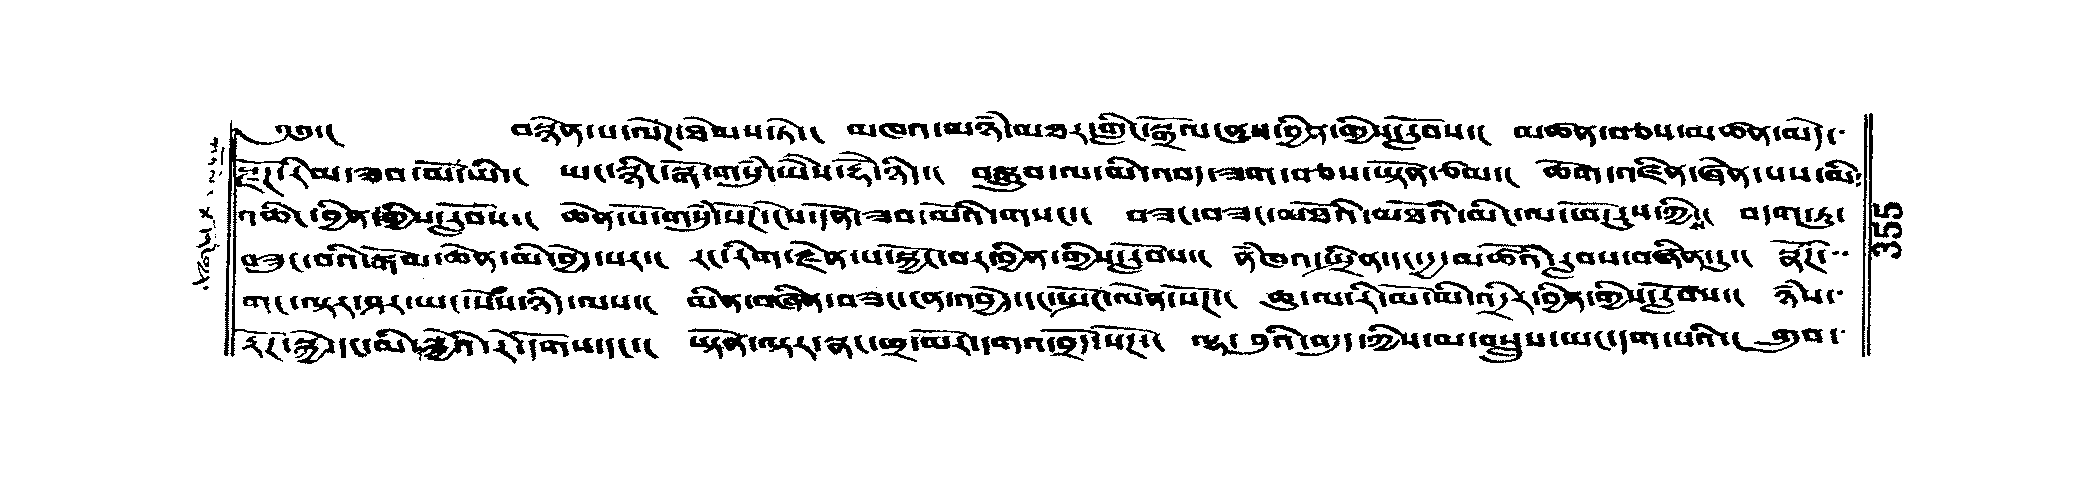བསྙེན་པ་ལེགས་ཐེམས་ཏེ། །མཁའ་མཉམ་ཐར་གླིང་སྒྲོལ་ནུས་བྱིན་གྱིས་རློབས། །མཚན་བཅས་མཚན་མེད་
རྫོགས་རིམ་ཟབ་མོ་ཡི། །ཡང་སྙིང་སྒོ་གསུམ་ཡེ་ཤེས་རྡོ་རྗེ་ཉིད། །བསྒྲུབ་ལ་མི་འབད་ཟག་བཅས་ཡོན་ཏན་ཙམ། །ཆོག་འཛིན་ཞེན་པས་མི་
འཆིང་བྱིན་གྱིས་རློབས། །ཆེན་པོ་གསུམ་སོགས་ངེས་དོན་ཟབ་མོའི་གསང་། །བཟང་བཟང་མཐོ་མཐོའི་མིང་ལ་ཕོ་རུས་ཀྱིས། །བདག་ཏུ་
བཟུང་བའི་སྒོམ་ཆེན་མི་བྱེད་པར། །རང་རིག་རྗེན་པ་སྐྱོང་བར་བྱིན་གྱིས་རློབས། །ནམ་མཁའ་སྤྲིན་དང་རྒྱ་མཚོའི་རླབས་བཞིན་དུ། །སྣ་ཚོགས་
གང་ལྟར་ཤར་ཡང་སེམས་ཉིད་ལས། །མིན་བཞིན་བཟང་ངན་འབྱེད་དང་སྤོང་ལེན་སོགས། །ཆུ་ལ་རི་མོ་མི་འབྲིར་བྱིན་གྱིས་རློབས། །ཉམས་
རྟོགས་སྐྱེ་དང་མི་སྐྱེའི་རེ་དོགས་དང་། །ཡོན་ཏན་ལྟར་སྣང་ཕྲ་མོར་དགའ་བྲོད་སོགས། །ལྷ་བུའི་བདུད་ཀྱིས་མ་བསླུས་ཡང་དག་པའི། །གྲུབ་